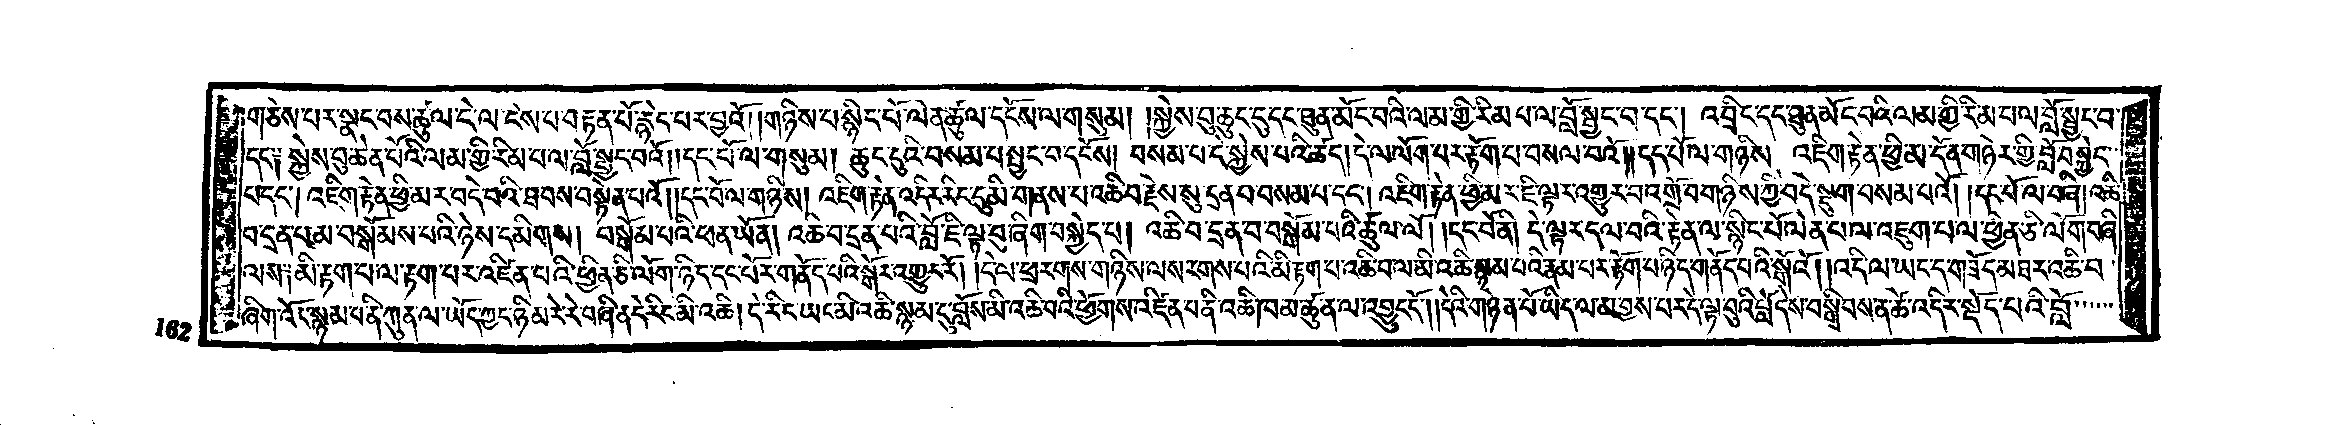གཅེས་པར་སྣང་བས་ཚུལ་དེ་ལ་ངེས་པ་བརྟན་པོ་རྙེད་པར་བྱའོ། །གཉིས་པ་སྙིང་པོ་ལེན་ཚུལ་དངོས་ལ་གསུམ། །སྐྱེས་བུ་ཆུང་ངུ་དང་ཐུན་མོང་བའི་ལམ་གྱི་རིམ་པ་ལ་བློ་སྦྱང་བ་དང་། འབྲིང་དང་ཐུན་མོང་བའི་ལམ་གྱི་རིམ་པ་ལ་བློ་སྦྱང་བ་
དང་། སྐྱེས་བུ་ཆེན་པོའི་ལམ་གྱི་རིམ་པ་ལ་བློ་སྦྱང་བའོ། །དང་པོ་ལ་གསུམ། ཆུང་ངུའི་བསམ་པ་སྦྱང་བ་དངོས། བསམ་པ་དེ་སྐྱེས་པའི་ཚད། དེ་ལ་ལོག་པར་རྟོག་པ་བསལ་བའོ། །དང་པོ་ལ་གཉིས། འཇིག་རྟེན་ཕྱི་མ་དོན་གཉེར་གྱི་བློ་བསྐྱེད་
པ་དང་། འཇིག་རྟེན་ཕྱི་མར་བདེ་བའི་ཐབས་བསྟེན་པའོ། །དང་པོ་ལ་གཉིས། འཇིག་རྟེན་འདིར་རིང་དུ་མི་གནས་པ་འཆི་བ་རྗེས་སུ་དྲན་པ་བསམ་པ་དང་། འཇིག་རྟེན་ཕྱི་མར་ཇི་ལྟར་འགྱུར་བ་འགྲོ་བ་གཉིས་ཀྱི་བདེ་སྡུག་བསམ་པའོ།
།དང་པོ་ལ་བཞི། འཆི་བ་དྲན་པ་མ་བསྒོམས་པའི་ཉེས་དམིགས། བསྒོམ་པའི་ཕན་ཡོན། འཆི་བ་དྲན་པའི་བློ་ཇི་ལྟ་བུ་ཞིག་བསྐྱེད་པ། འཆི་བ་དྲན་བ་བསྒོམ་པའི་ཚུལ་ལོ། །དང་པོ་ནི། དེ་ལྟར་དལ་བའི་རྟེན་ལ་སྙིང་པོ་ལེན་པ་ལ་འཇུག་པ་ལ་ཕྱིན་ཅི་ལོག་བཞི་ལས། མི་རྟག་པ་ལ་རྟག་པར་འཛིན་པའི་ཕྱིན་ཅི་ལོག་ཉིད་དང་པོར་གནོད་པའི་སྒོར་འགྱུར་རོ། །དེ་ལ་ཕྲ་རགས་གཉིས་ལས་རགས་པའི་མི་རྟག་པ་འཆི་བ་ལ་མི་འཆི་སྙམ་པའི་རྣམ་པར་རྟོག་པ་ཉིད་གནོད་པའི་སྒོའོ། །འདི་ལ་ཡང་ད་གཟོད་མཐར་འཆི་བ་ཞིག་འོང་སྙམ་པ་ནི་ཀུན་ལ་ཡོད་ཀྱང་ཉི་མ་རེ་རེ་བཞིན་དེ་རིང་མི་འཆི། དེ་རིང་ཡང་མི་འཆི་སྙམ་དུ་བློས་མི་འཆི་བའི་ཕྱོགས་འཛིན་པ་ནི་འཆི་ཁམ་ཚུན་ལ་འབྱུང་ངོ། །དེའི་གཉེན་པོ་ཡིད་ལ་མ་བྱས་པར་དེ་ལྟ་བུའི་བློ་དེས་བསྒྲིབས་ན་ཚེ་འདིར་སྡོད་པའི་བློ་